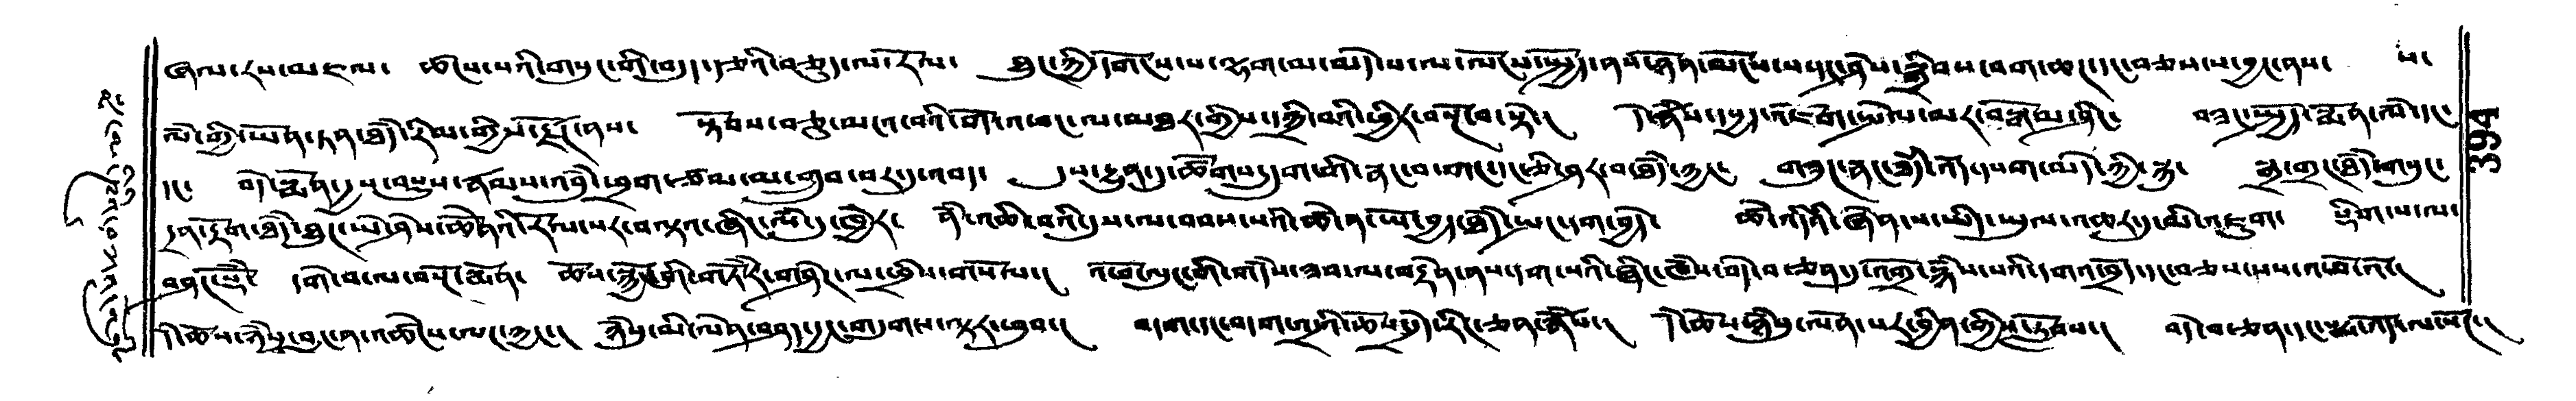ཞལ་རས་མཇལ། ཚངས་པའི་གསུང་གི་བདུད་རྩིའི་བཅུད་ལ་རོལ། ཐུགས་ཀྱི་དགོངས་པ་ལྷག་མ་མེད་པ་ལ་ལོངས་སྤྱད་དེ་ཉོན་མོངས་པ་དང་ཤེས་སྒྲིབ་བག་ཆགས་དང་བཅས་པ་བྱང་ནས་ས་
ལམ་གྱི་ཡོན་ཏན་ཐམས་ཅད་རིམ་གྱིས་རྫོགས། སྟོབས་བཅུ་མངའ་བའི་གོ་འཕང་ལ་མཐར་གྱིས་དཀྲི་བའི་ཕྱིར་བསྔོ་བ་སྟེ། དེ་རྣམས་དཔྱད་འཇོག་སྤེལ་མར་སྒོམ་ཞིང་། བཟང་སྤྱོད་སྨོན་ལམ་དང་
བདེ་སྨོན་རྒྱས་བསྡུས་རྣམས་འབུམ་ཕྲག་ཙམ་མ་གྲུབ་བར་དུ་འབད། དུས་རྒྱུན་དུ་ཚོགས་དྲུག་གི་སྣང་བ་གང་དང་ཅི་ཤར་ཐམས་ཅད་ཀྱང་གཟུགས་སྣང་ཐམས་ཅད་འོད་དཔག་མེད་ཀྱི་སྐུ། སྒྲ་གྲགས་ཐམས་ཅད་གསུང་། 
དྲན་རྟོག་ཐམས་ཅད་ཐུགས་ཡེ་ཤེས་ཆེན་པོའི་རོལ་པར་ལྟ་ཞིང་ལམ་དུ་ཁྱེར། ནམ་འཆི་བའི་དུས་ལ་བབས་པའི་ཚེ་ན་ཡོ་བྱད་ཐམས་ཅད་སྤོང་དག་བྱེད། ཚེ་འདིའི་ཞེན་པ་ཡིད་ཡུལ་འཆར་དུ་མི་འཇུག སྡིག་པ་ལ་
བཤགས་སྡོམ། དགེ་བ་ལ་བསྔོ་སྨོན། ཆོས་སྐྱོང་གི་གཏོར་མ་གཤེགས་ལ་ཕྲིན་ལས་གསོལ། འཕོ་ལུང་གི་གདམས་ཟབ་ལ་བརྟེན་ནས་དག་པའི་ཞིང་ཁམས་བདེ་བ་ཅན་དུ་འགྲོ་སྙམ་པའི་དགའ་བྲོད་དང་བཅས་པས་འཕོའོ། 
དམ་ཆོས་ཉམས་སུ་བླང་ན་འཚེངས་ལགས་ཀྱང་། །ཉམས་སུ་ལེན་བཤད་རྒྱང་གདུགས་ལྟར་ཕུབ། །བདག་དང་བདག་འདྲའི་ཆོས་དྲེད་རིགས་ཅན་རྣམས། །དམ་ཆོས་ཉམས་སུ་ལེན་པར་བྱིན་གྱིས་རློབས། །བདེ་བ་ཅན་དང་པདྨ་འོད་ལ་སོགས།